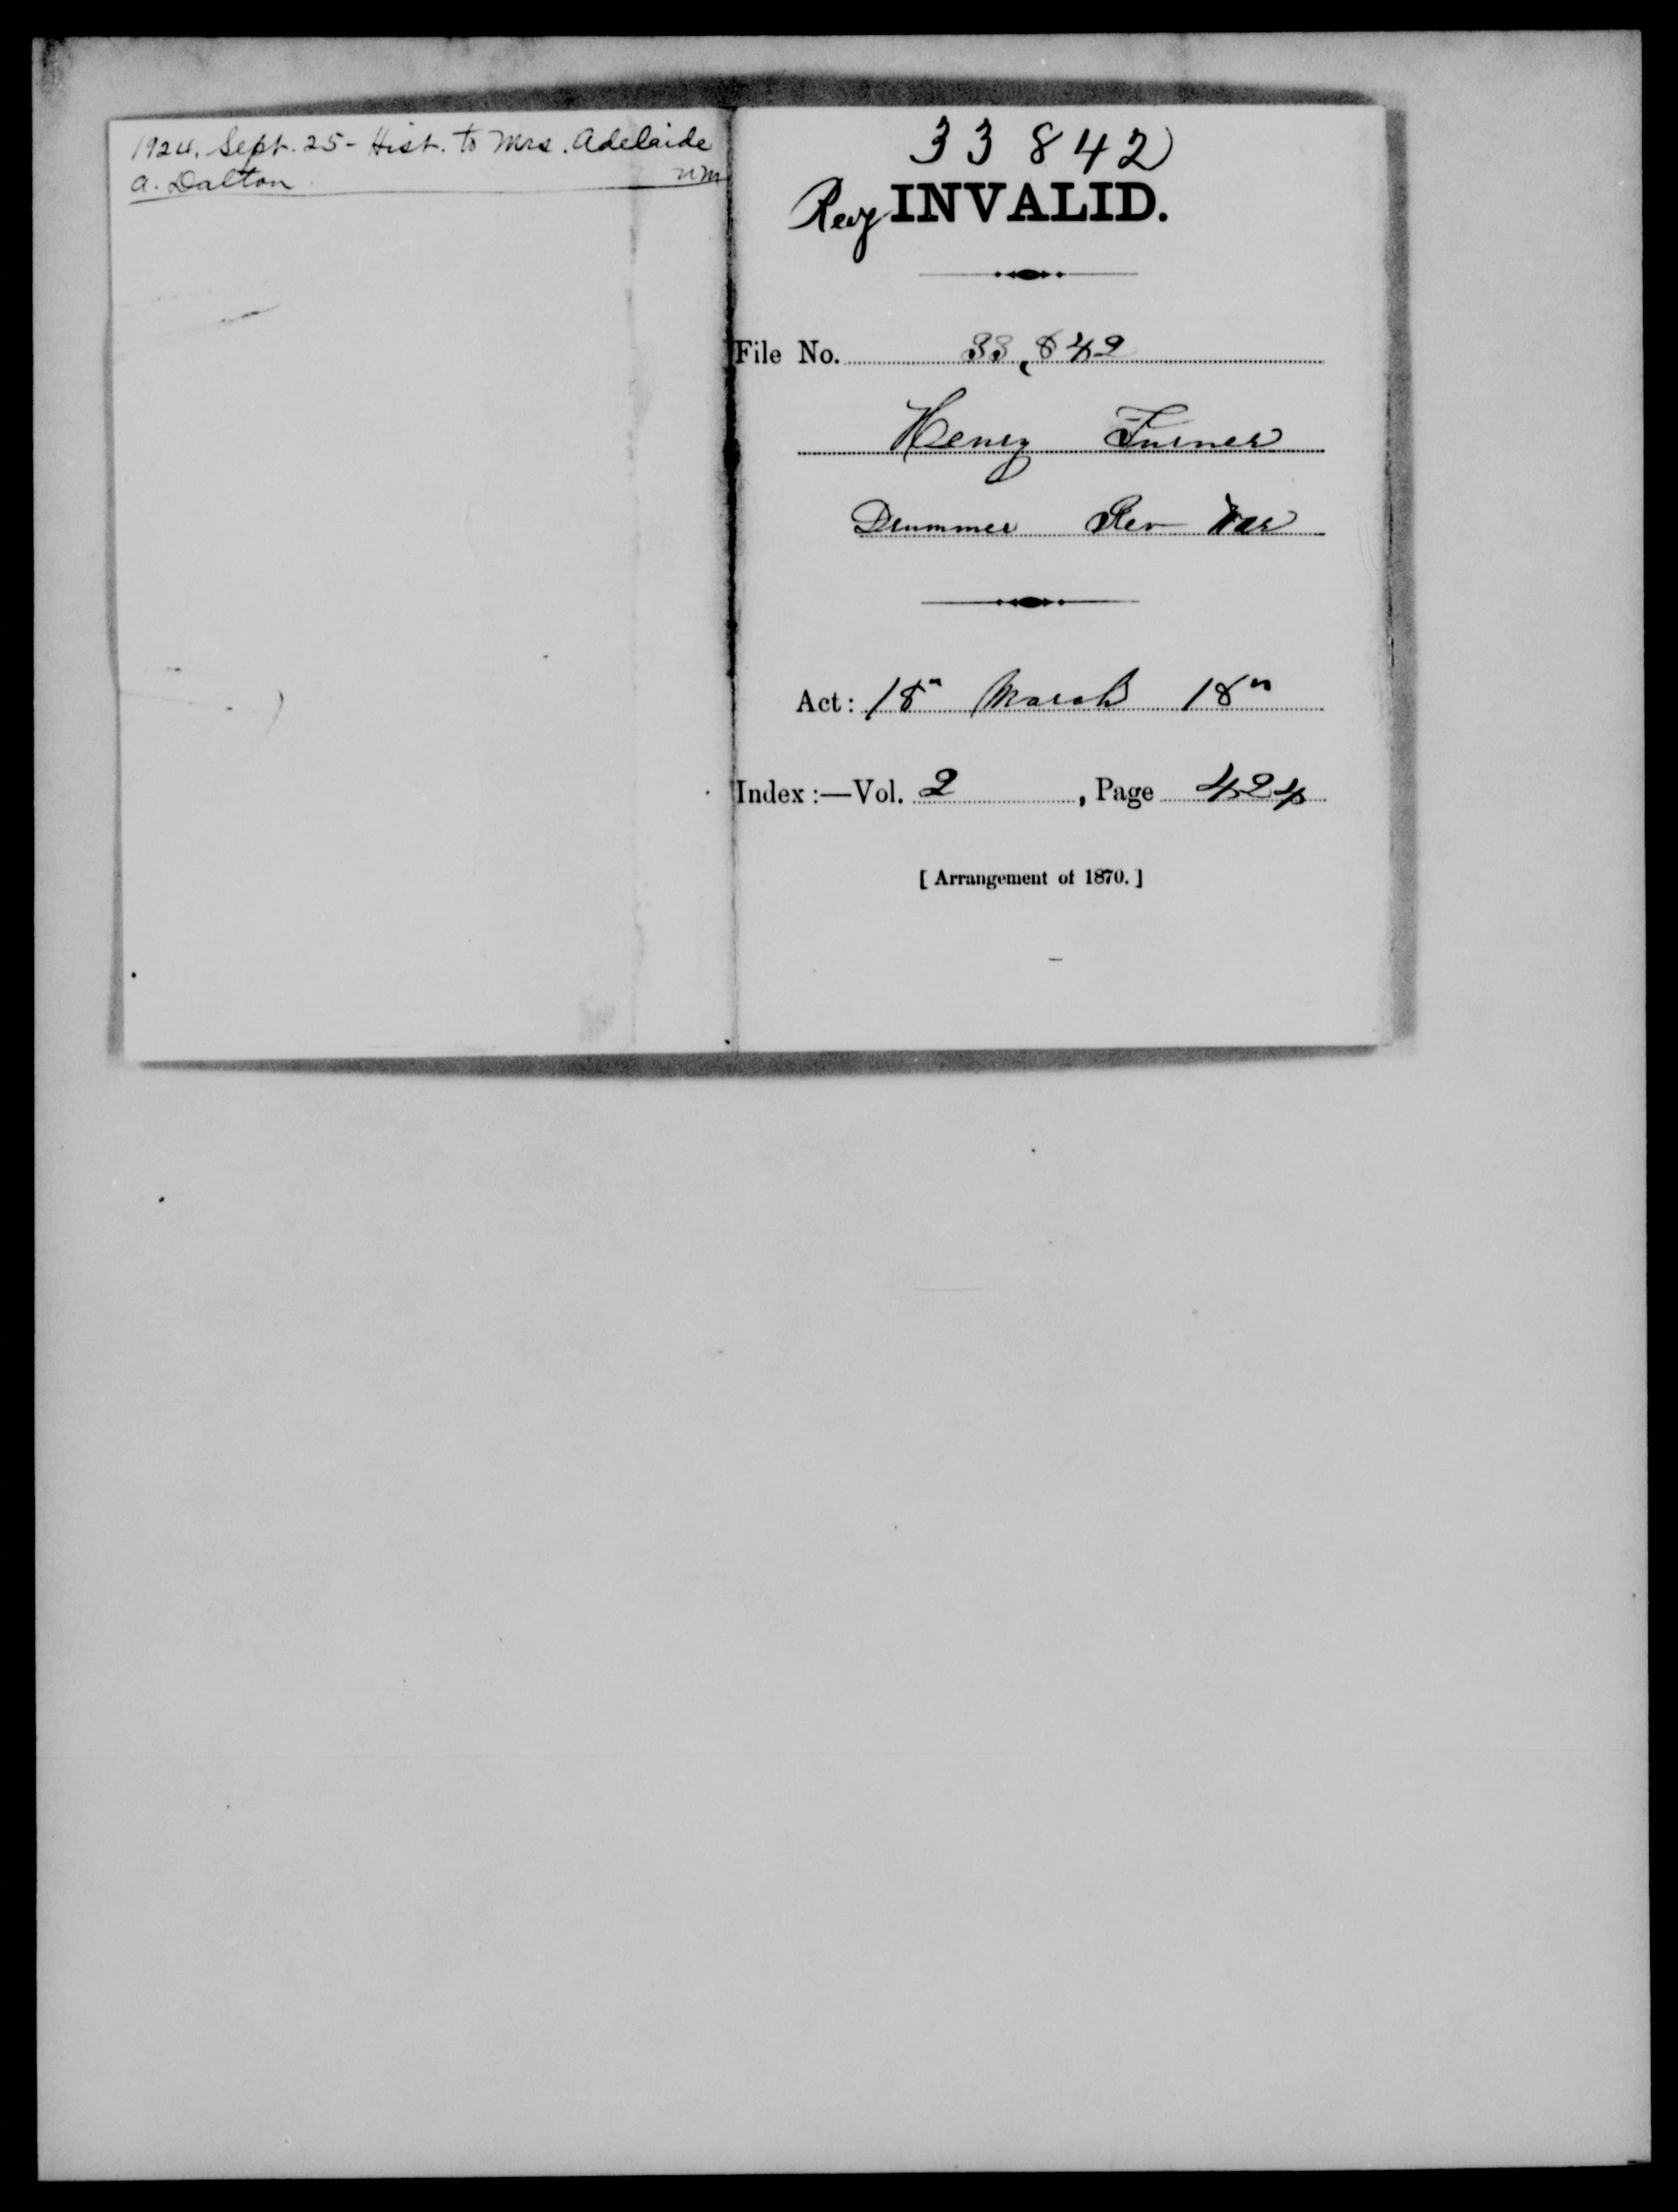[Left Page]

1924, Sept 25 - Hist. to Mrs. Adelaide A Dalton. NM [initials]



[Right Page]

33842

Rev INVALID ["Rev" handwritten]
["invalid" bold, centered]

File No. 33842
Henry Turner
Drummer Rev War

Act: 18th March 1800 [? last 2 numbers]
Index: Vol. 2,    Page 424

[Arrangement of 1870.] 
[note, the above brackets were on the original document]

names: Henry Turner, Adelaide A Dalton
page: 10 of 11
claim: survivor's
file: S. 33842, Henry Turner, R.I.